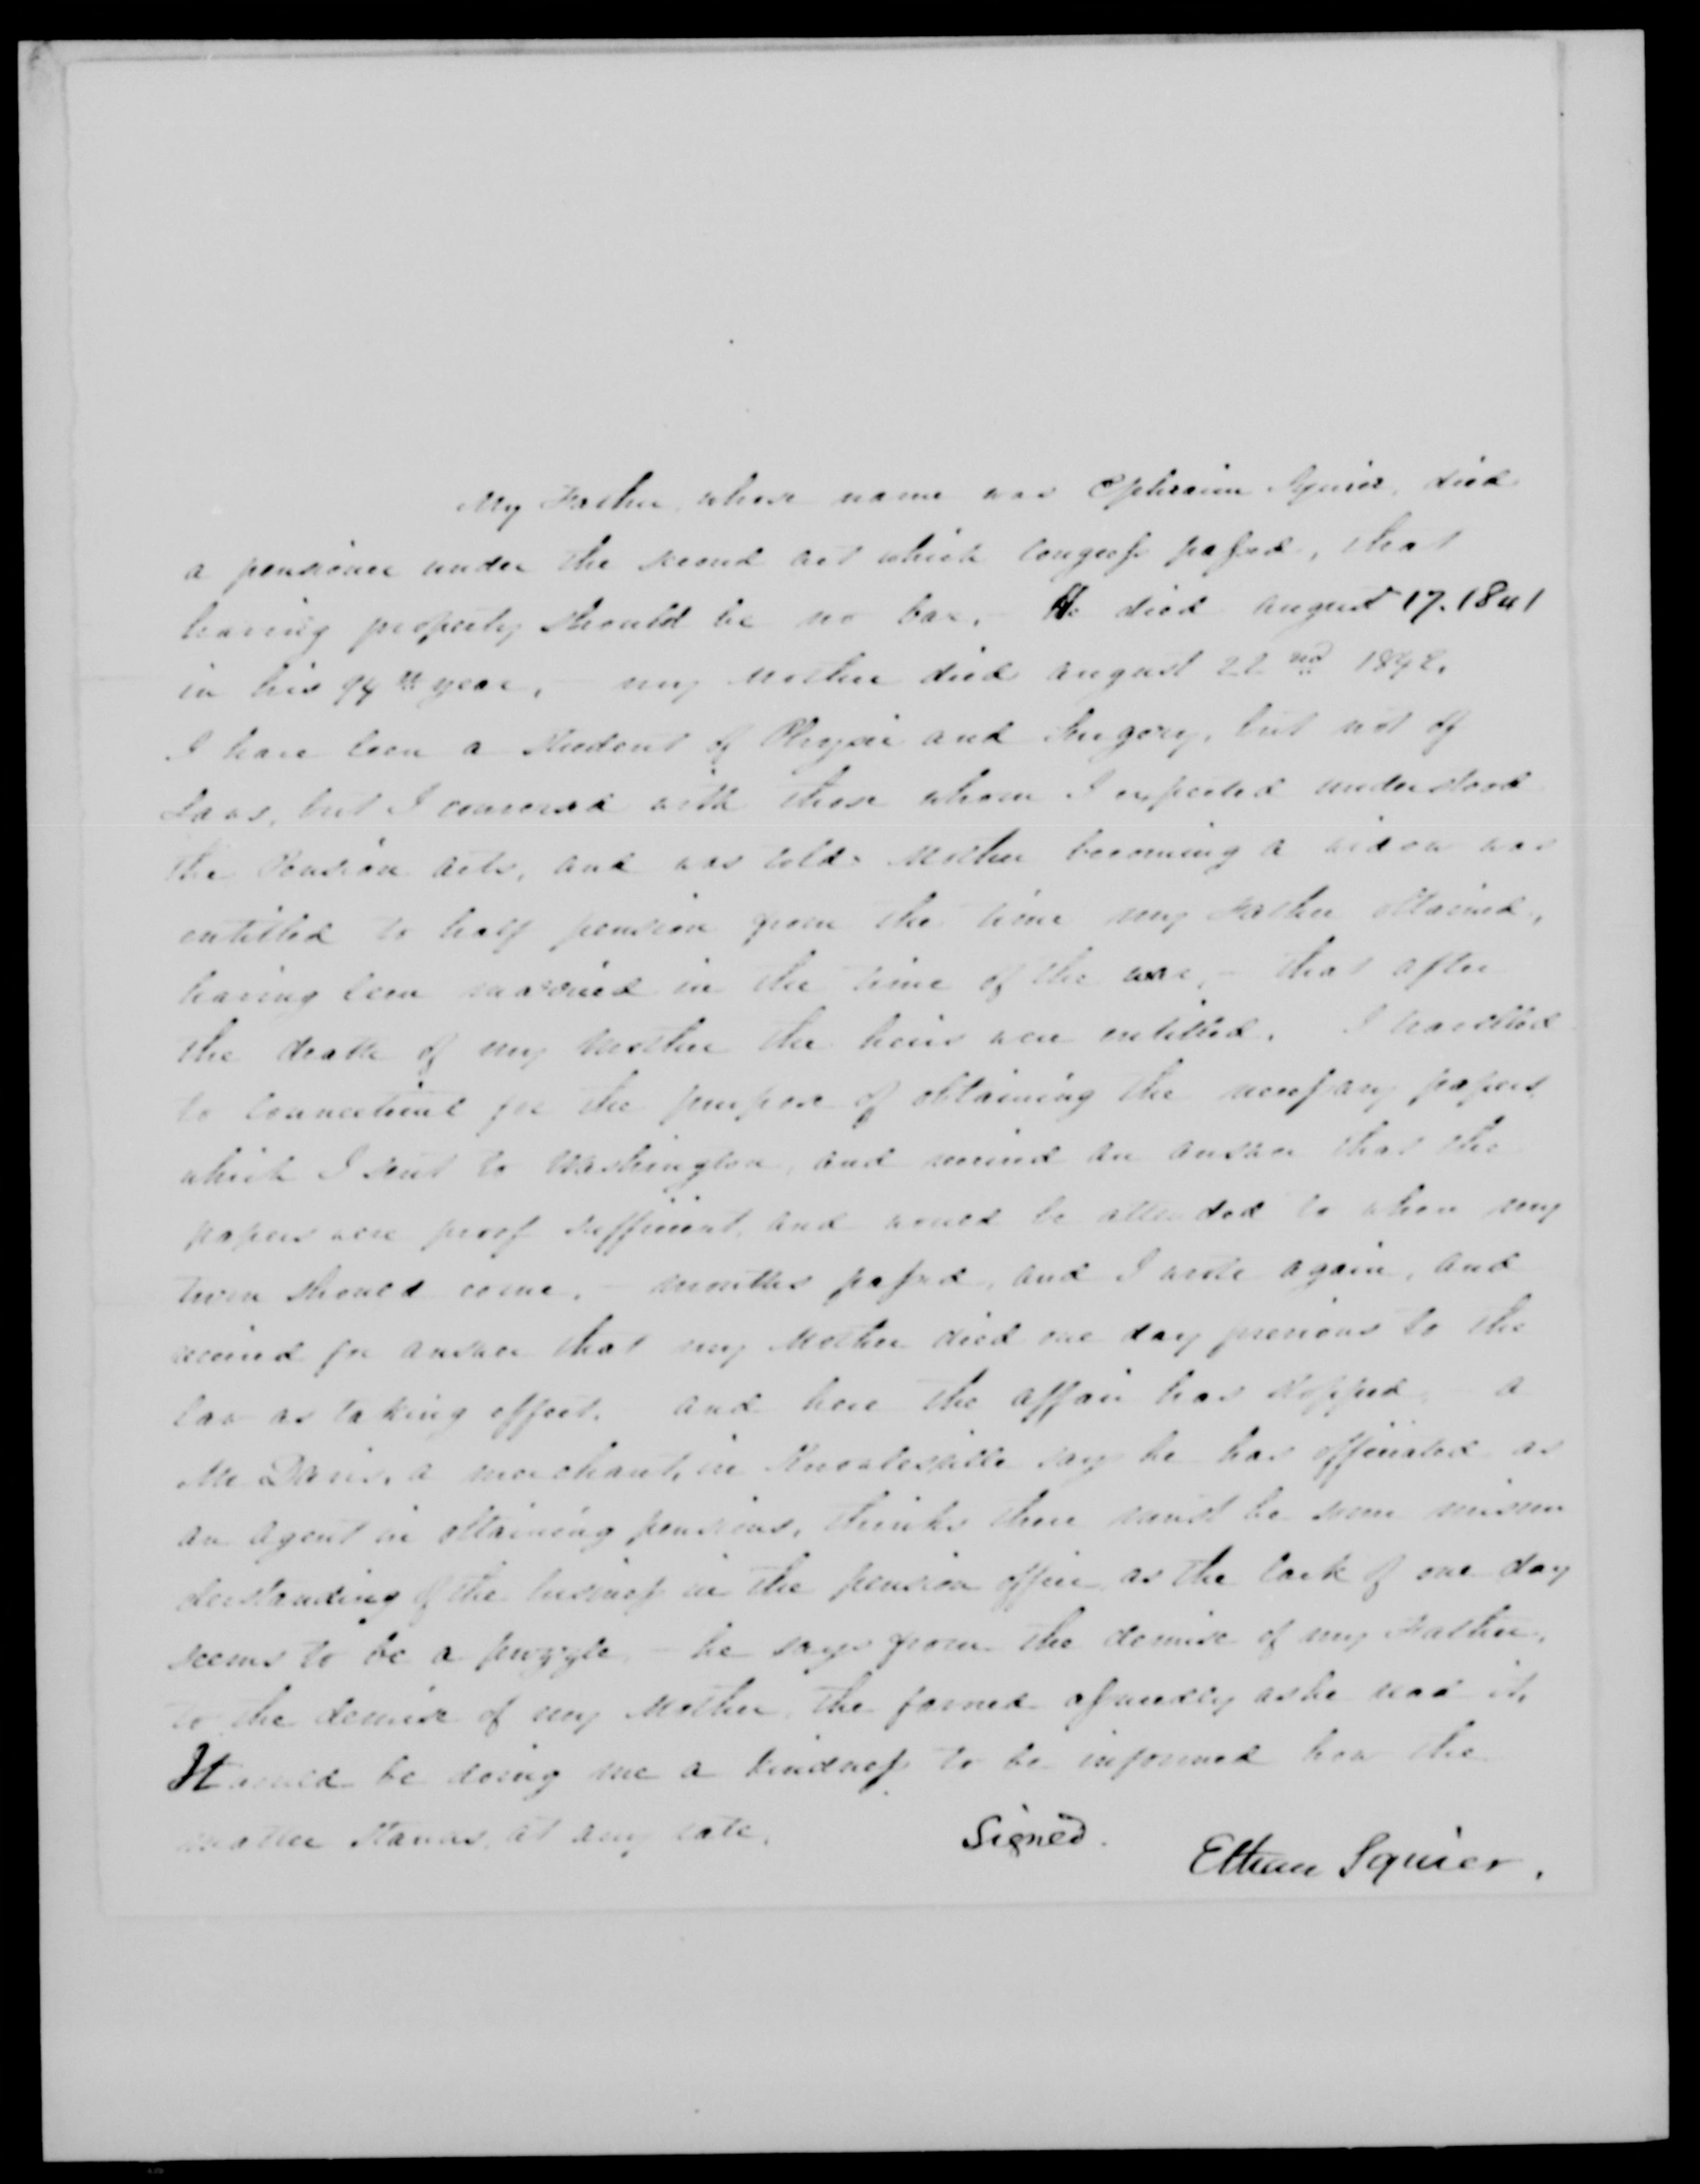My father whose name was Ephriam Squier, died a pensioner under the record act which Congress passed, that having [illegible] should be no [illegible]. He died August 17, 1841 in his 94th year, my mother died August 22, 1842. I have been a student of physic and surgery, but [illegible] of [illegible], but I  [illegible] with those whom I expected understood the pension acts, and was told Mother becoming a widow was entitled to half pension from the time my father obtained, having been [illegible] in the time of the war,  that after the death of my mother the heir was entitled. I talked the to Connecticut for the purpose of obtaining the [illegible] papers which I sent to Washington, and  received an [illegible] that the papers were proof sufficient and would be attended to when my turn thence came, mother passed and I wrote again and received for another that my mother died one day previous to the [illegible] taking effect. and here the affair has stopped, a Mr. Davis, a merchant, in [illegible] say he has [illegible] as an agent on obtaining pensions, thinks there could be some [illegible] something of the learning in the pension office as the lack of one day seems to be a puzzle- he says from the demise of my father to the demise of my mother, the former [illegible] asks [illegible] it [H-illegible] be doing me a kindness to be informed her the matter [illegible], a day late. 
Signed
Ethan Squier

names: Ethan Squier; Ephraim Squier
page: 4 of 70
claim: rejected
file: R. 10,026, for Ephraim Squier, Connecticut